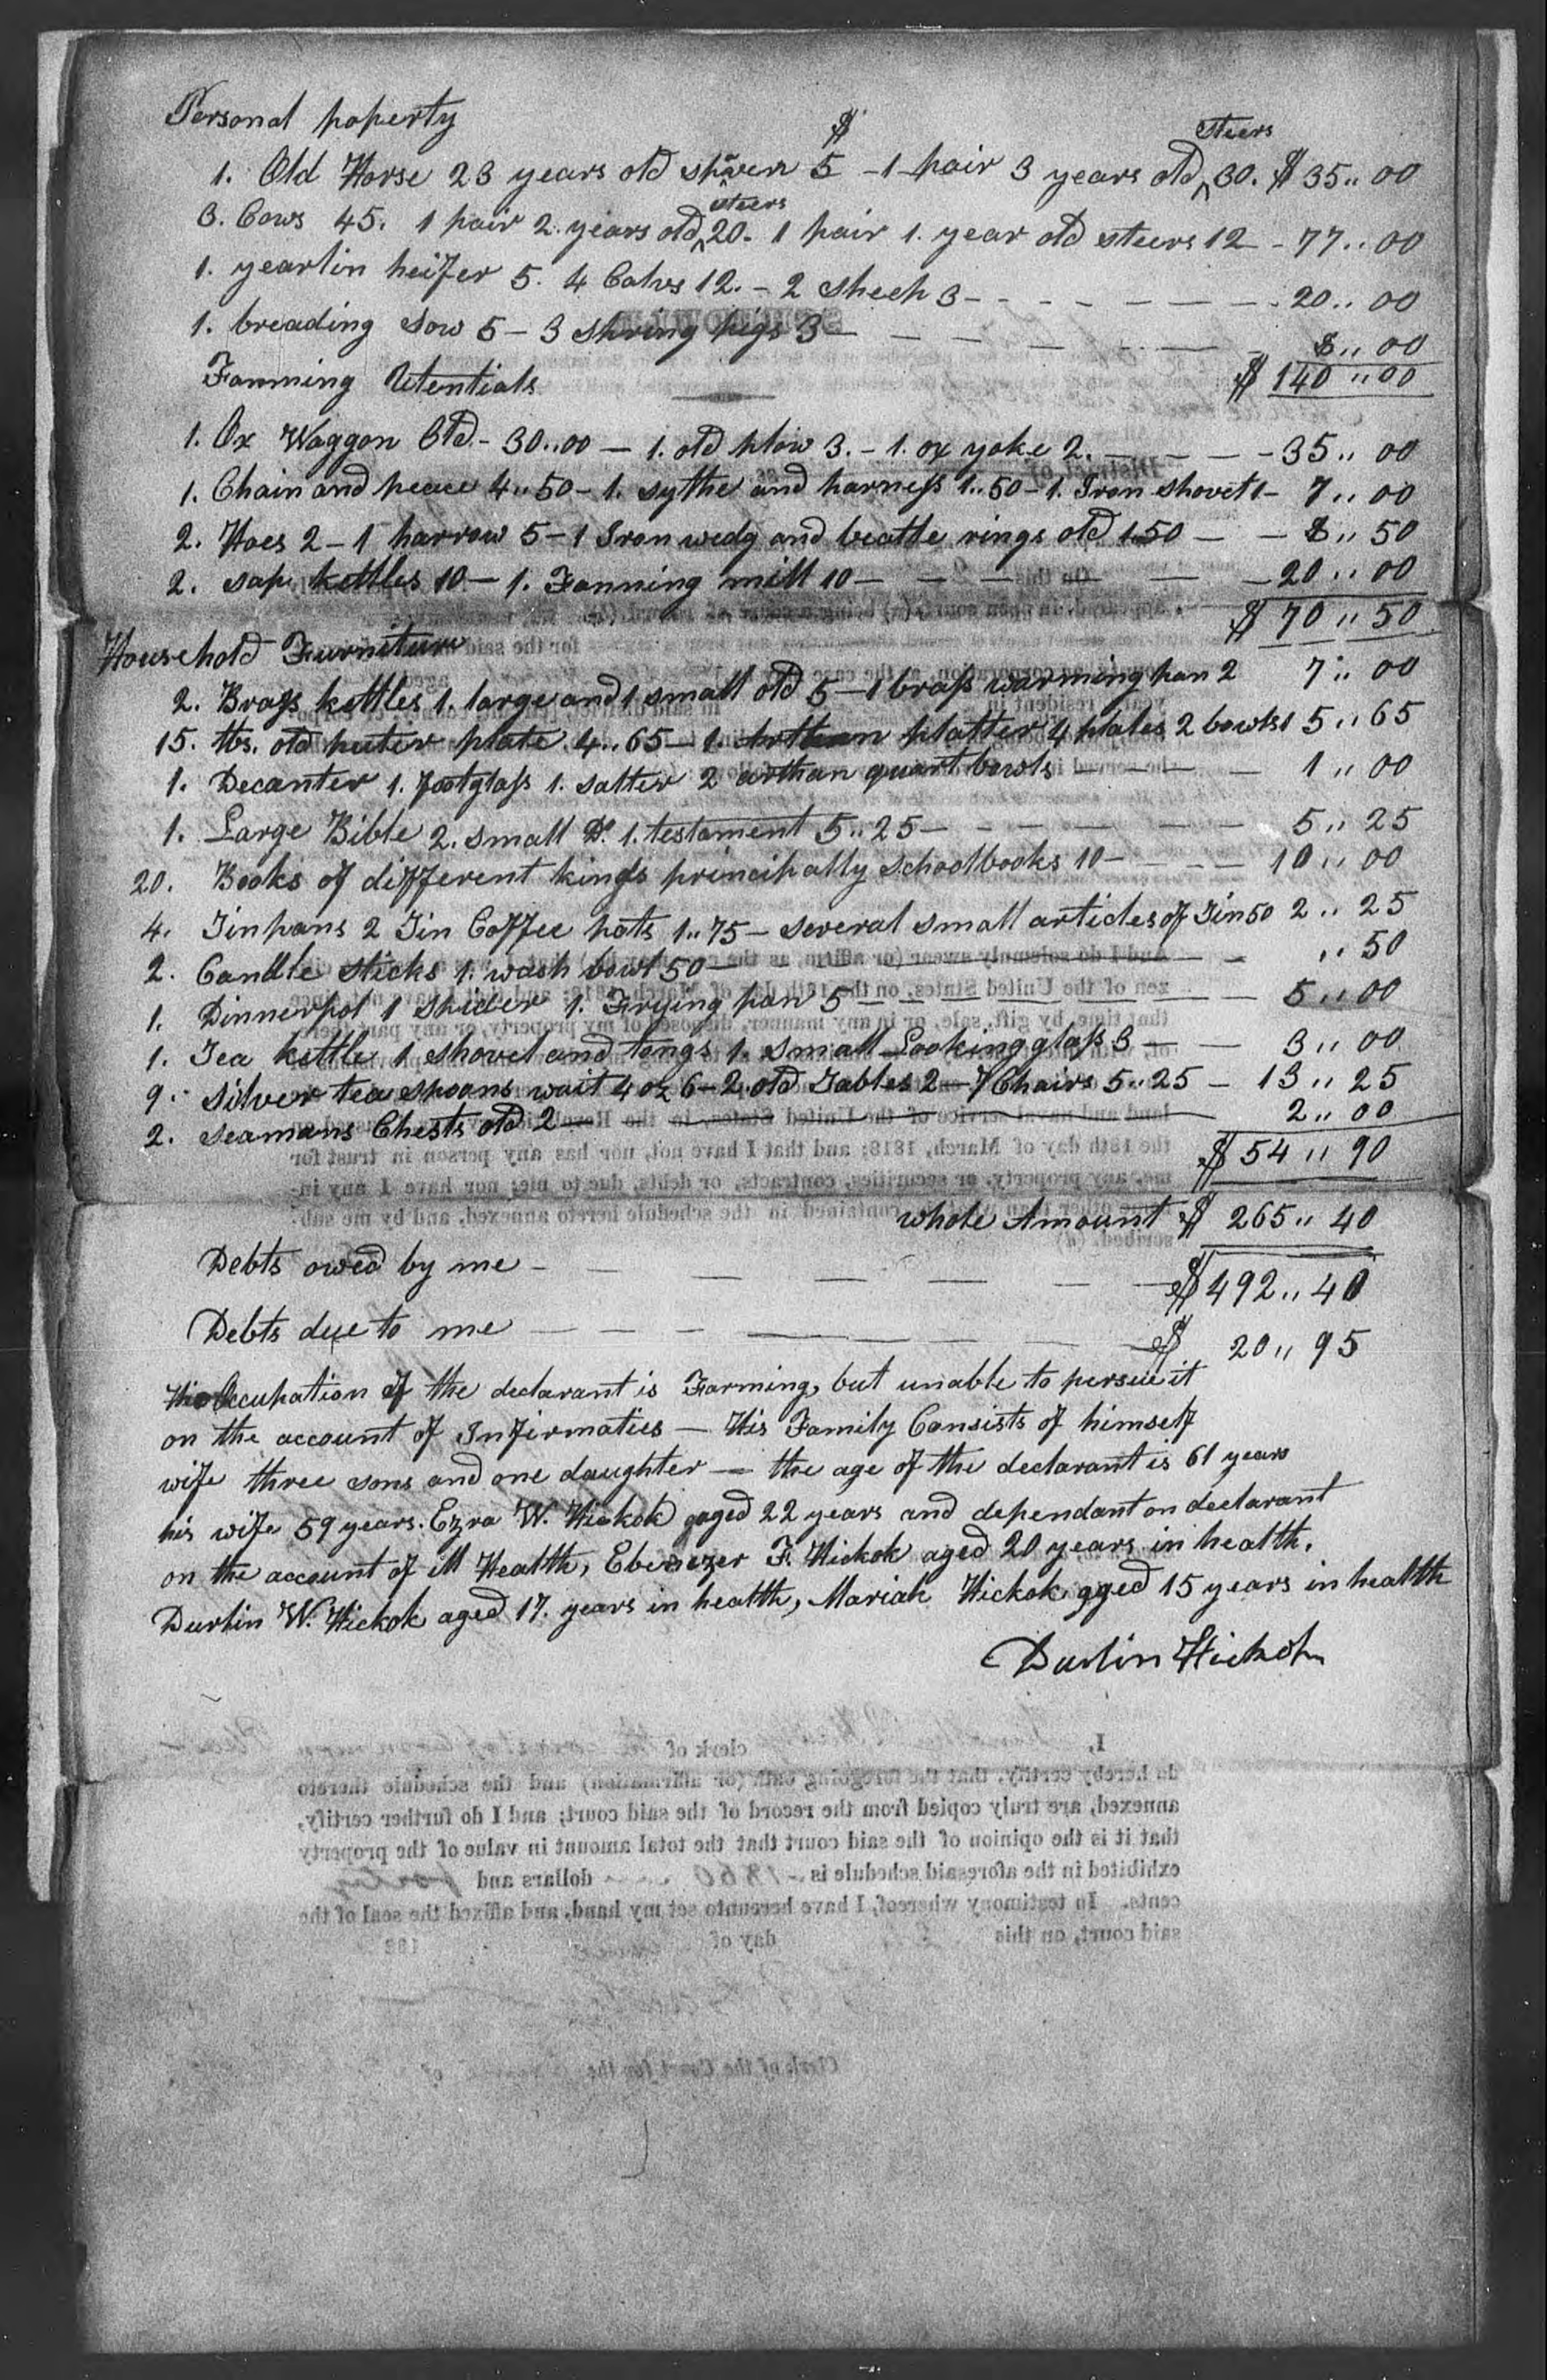Personal property
1 Old Horse 23 years old steers $5 - 1 pair 3 years old steers 30 -- $35..00
3 Cows 45. 1 pair 2 years old steers 20. 1 pair 1 year old steers 12.  77..00
1 yearling heifer 5 - 4 Calves 12 - 2 sheep 3--  20..00
1 breeding sow 5 - 3 spring pigs 3 --  8..00
$140.00

Farming Utentials [sic]
1 Ox Waggon etc. 30..00 - 1 old plow 3 - 1 Ox yoke 2 -- 35..00
1 Chain and pierce 4..50 -  1 scythe and harness 1..50 - Iron shovels -- 7..00
2 Hoes 2 - 1 harrow 5 - Iron wedge and beattle rings old 1..50 -- 8..50
2 sap kettles 10 - 1 Fanning mill 10 -- 20..00
$70..50

Household Furniture
2 Brass kettles 1 large and 1 small old 5 - 1 brass warming pan 2 -- 7..0
15 [illegible] old [illegible] plate 4..65 - 1 [illegible] platter 4 plates 2 bowls 1 -- 5..65
1 Decanter 1 footglass 1 salter 2 [illegible] quart bowls -- 1..00
1 Large Bible 2 - Small [illegible] 1 Testament 5..25 -- 5..25
20 Books of different kinds principally school books 10 -- 10.00
4 Tin pans 2 Tin Coffee pots 1..75 - several small articles of of tin 50 -- 2..25
2 Candle Sticks 1 wash board 50 -- ..50
1 Dinner pot 1 [illegible] 1 Frying pan 5 -- 5..00
1 Tea kettle 1 shovel and tongs 1 Small Looking glass 3 -- 3..00
9 Silver tea spoons wait [weight?] 4 oz 6 - 2 old Tables 2 -  7 Chairs 5..25 -- 13.25
2 Seamans Chest old 2 -- 2.00
$54..90

Whole Amount -- $265..40
Debts owed by me -- $492..40
Debts due to me -- $20..95

The occupation of the declarant is Farming but unable to pursue it on the account of infirmities. This Family Consists of himself wife and three sons and one daughter. The age of the declarant is 61 years his wife 59 years. Ezra W. Hickok aged 22 years and dependent on declarant on the account of ill Health, Ebenezer F. Hickok aged 20 years in health. Durlin W. Hickok aged 17 years in health, Mariah Hickok aged 15 years in health.

[Signed] Durlin Hickok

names: Durlin W Hickok, Durlin Hickok, Ezra W Hickok, Mariah Hickok, Ebenezer F Hickok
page: 6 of 45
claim: widow's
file: W. 4988, Durlin Hickok, Mass.